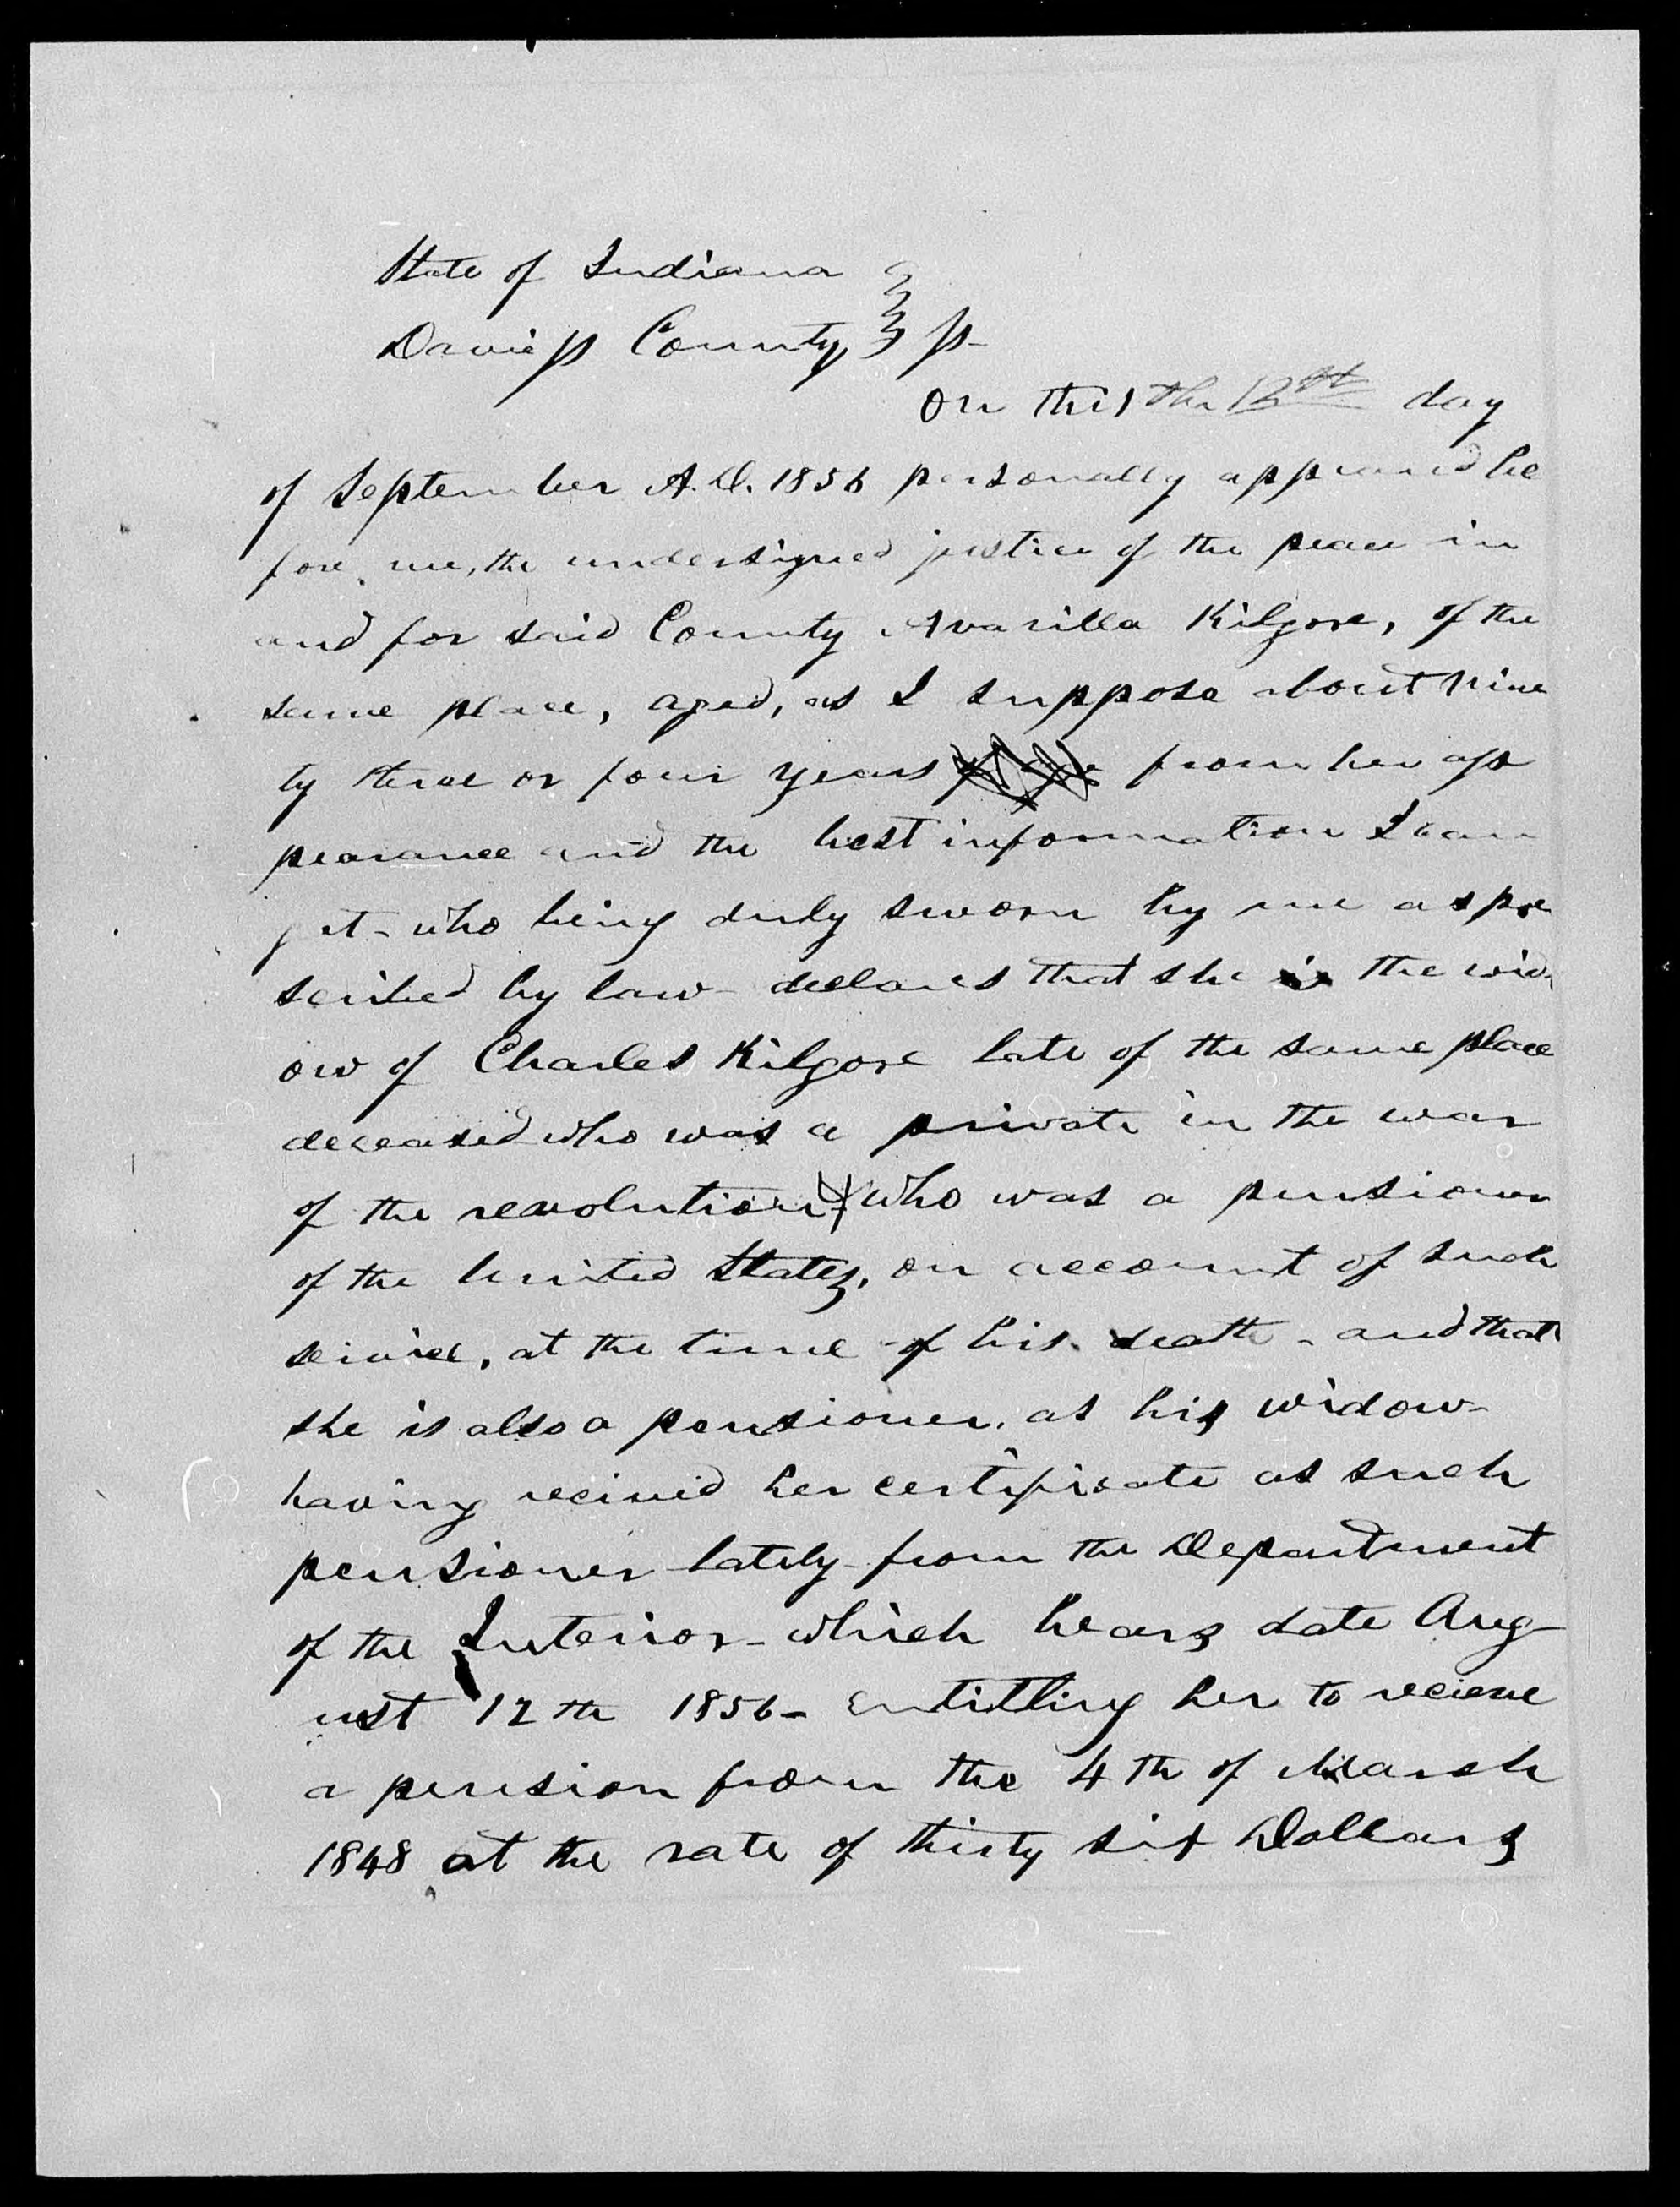State of Indiana 
Daviess County ss.
On this the 12th day of September A.D. 1856 personally appeared before me, the undersigned Justice of the peace in and for said County Avarilla Kilgore, of the same place, aged, as I suppose about ninety three or four years [crossed out: of age] from her appearance and the last information I can get, who being duly sworn by me as prescribed by law declared that she is the widow of Charles Kilgore late of the same place deceased who was a private in the war of the revolution & who was a pensioner of the United States, on account of such service, at the time of his death, and that she is also a pensioner, as his widow having received her certificate as such pensioner lately from the Department of the Interior which bears date August 12th 1856 - entitling her to recieve a pension from the 4th of March 1848 at the rate of thirty six Dollars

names: Avarilla Kilgore; Charles Kilgore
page: 56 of 115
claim: survivor's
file: S. 699, for Charles Kilgore, Virginia